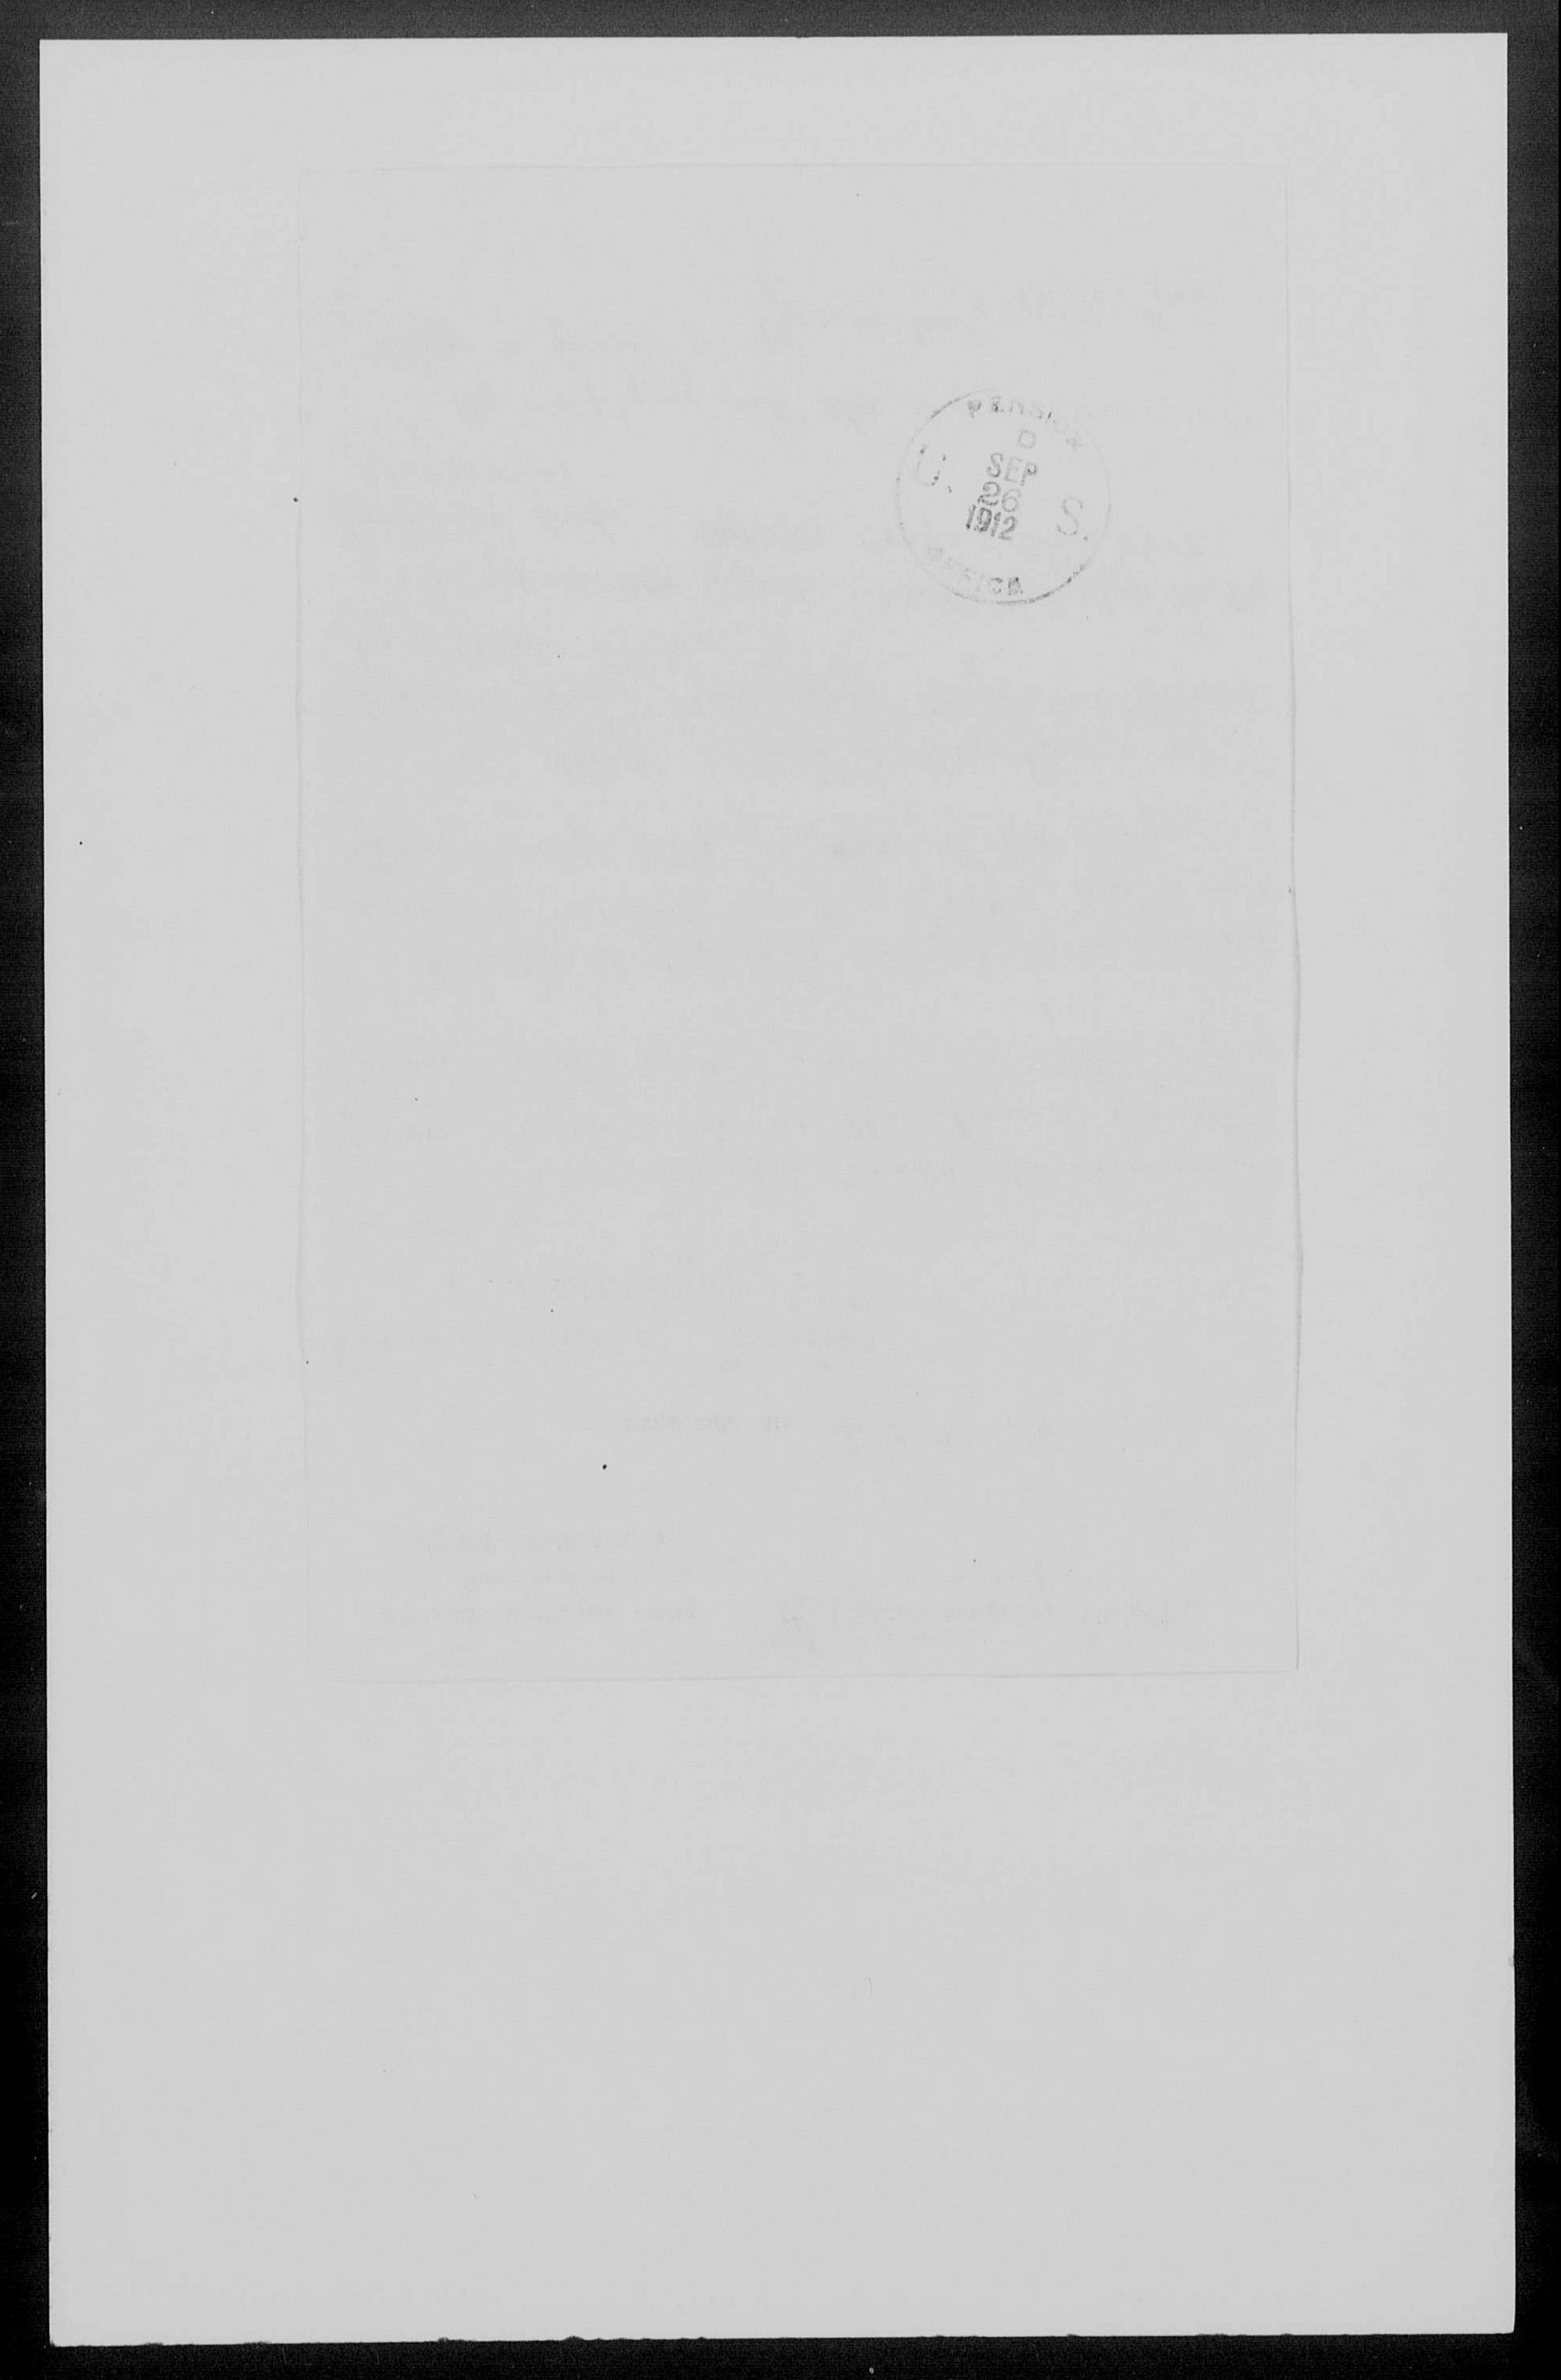Received stamp:

U. S. Pensions Office
D   Sep 26 1912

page: 23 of 24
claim: widow's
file: W. 25190, Joseph Bacon, Continental (Conn)